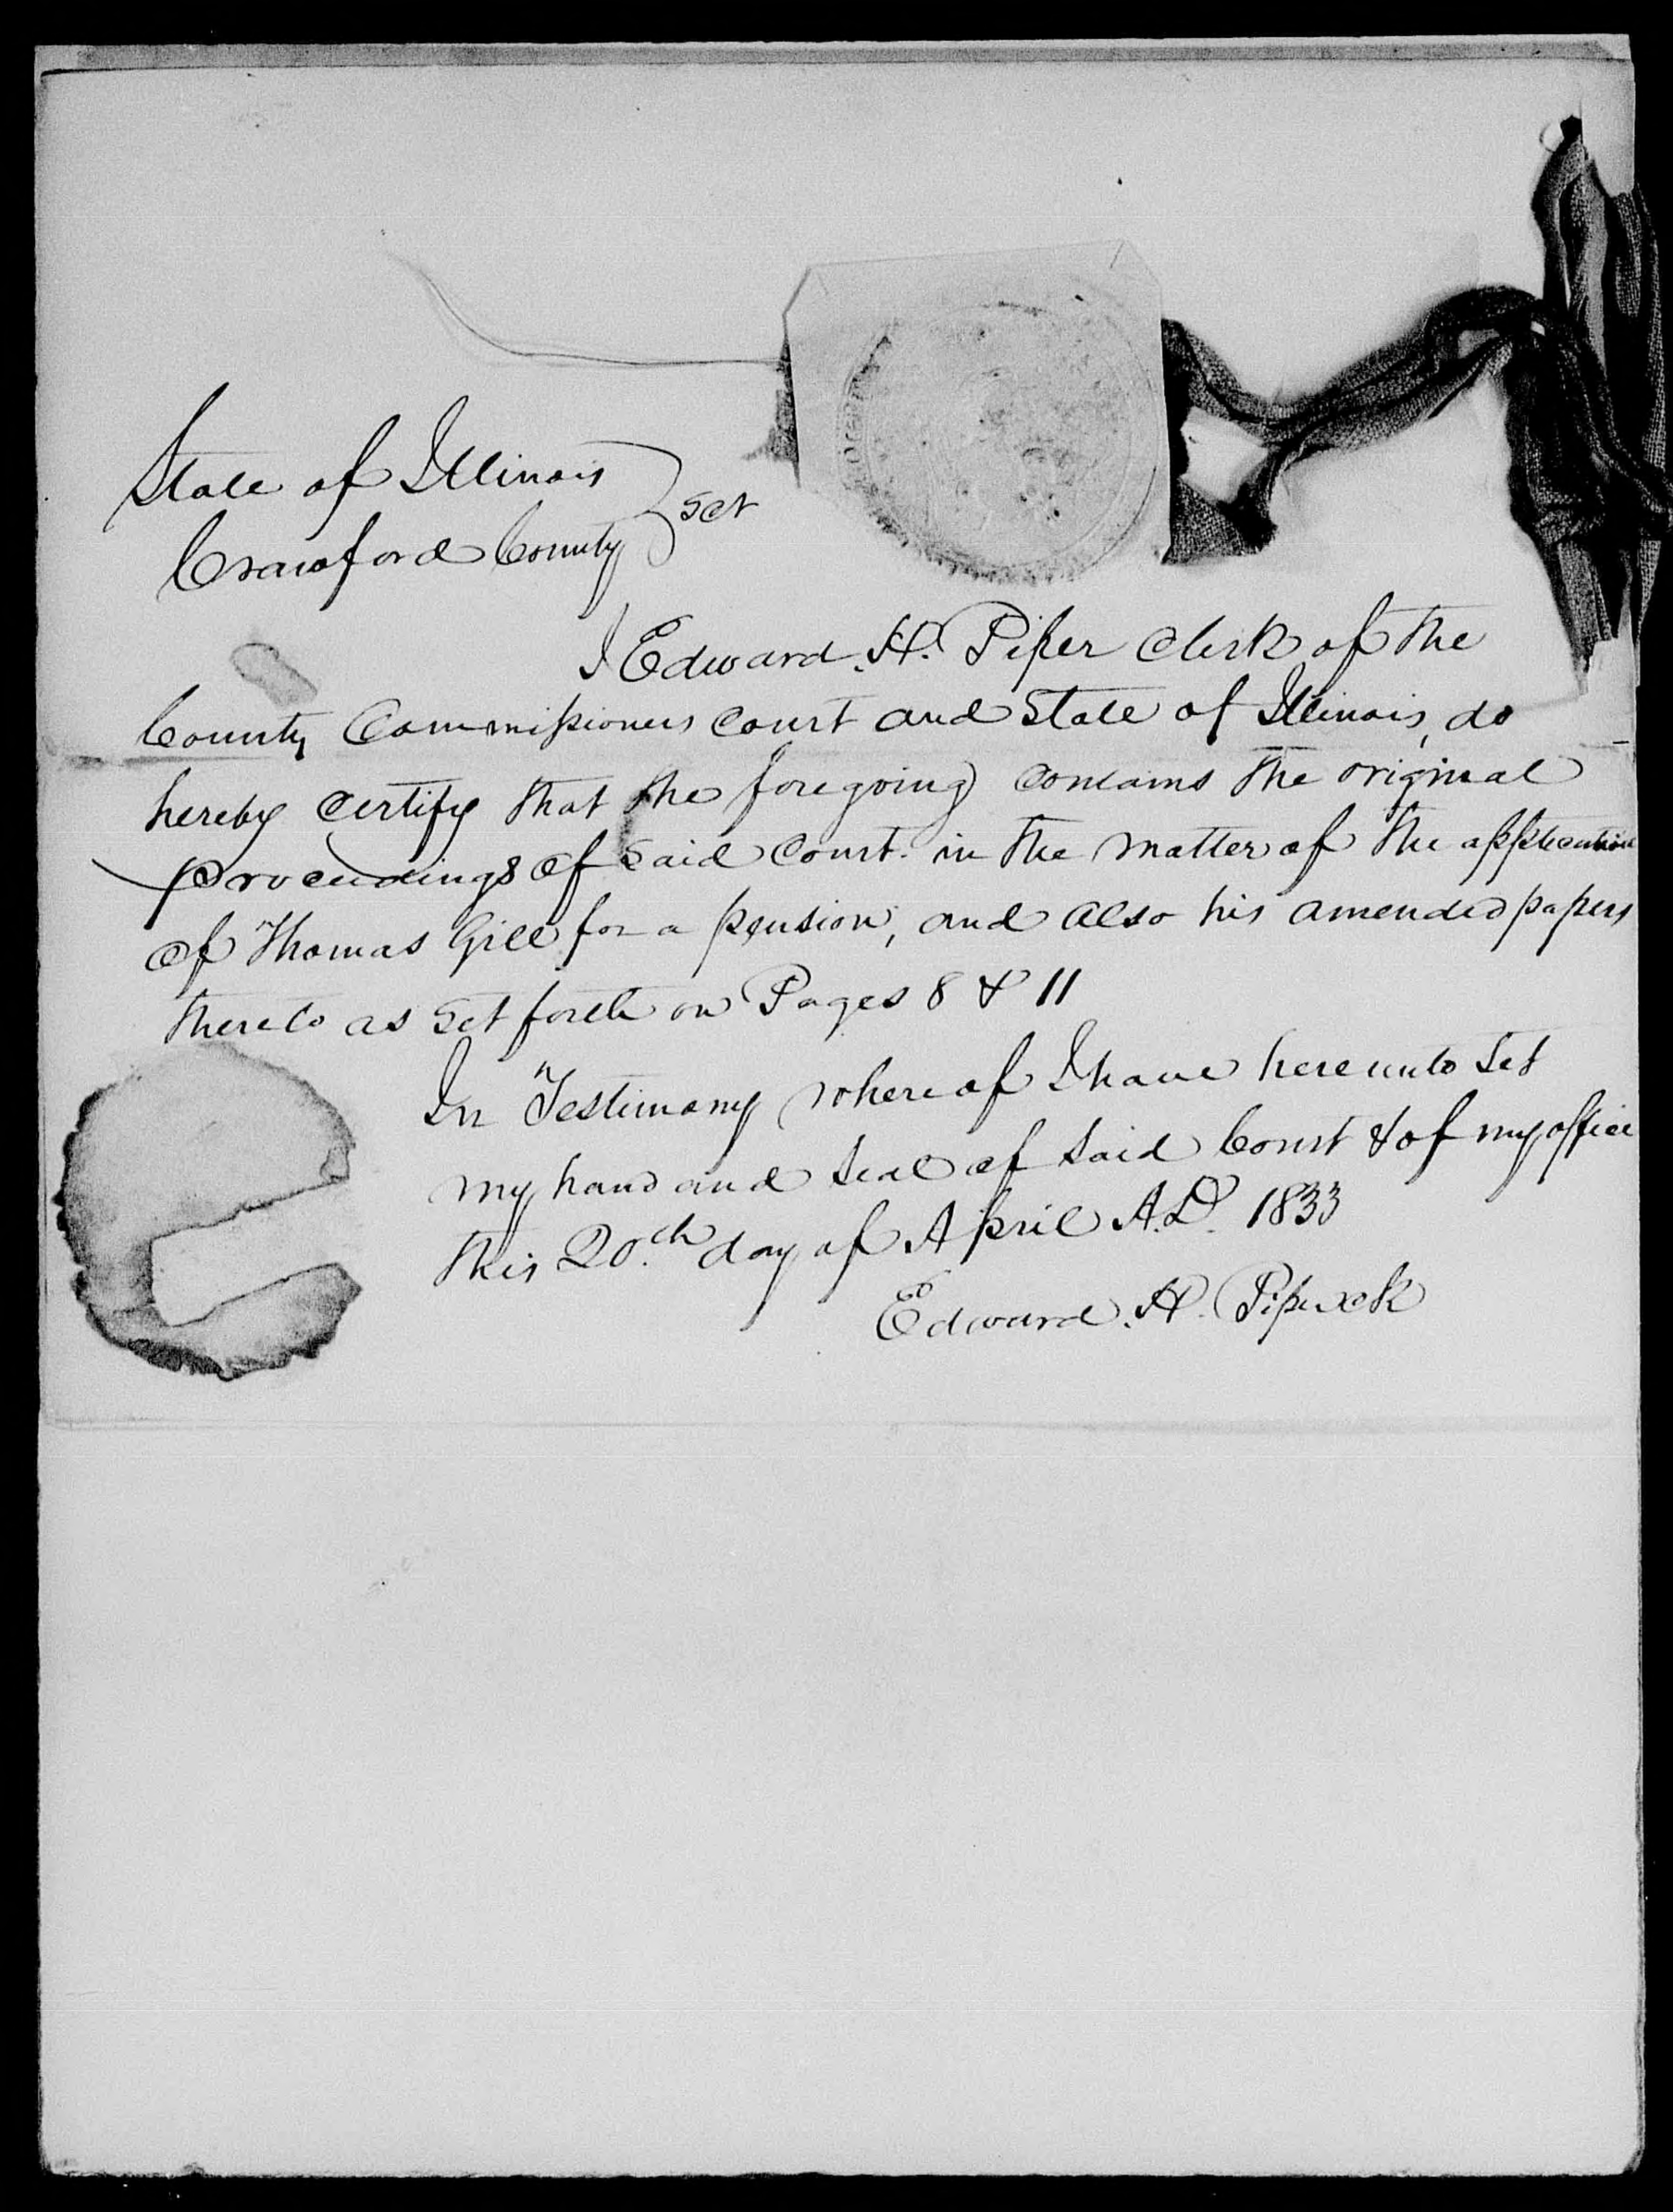Stateof Illinois Crawford County 
I Edward H Piper Clerk of the County Commissioner's Court  and State of Illinois  do hereby certify  that the foregoing  contains the original proceedings of said  Court in the matter of the application of Thomas Gill for a pension, and also his amended papers thereto as set forth in Pages 8 & 11 . In testimony whereof I have hereunto set my hand and seal of said Court  & of my office this 20th  day of April  A.D. 1833 . Edward H  Piper ( signed / sealed ) clk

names: Thomas Gill, Edward H Piper, Edward H Piper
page: 16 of 44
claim: survivor's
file: S. 31,061, Thomas Gill, S.C.